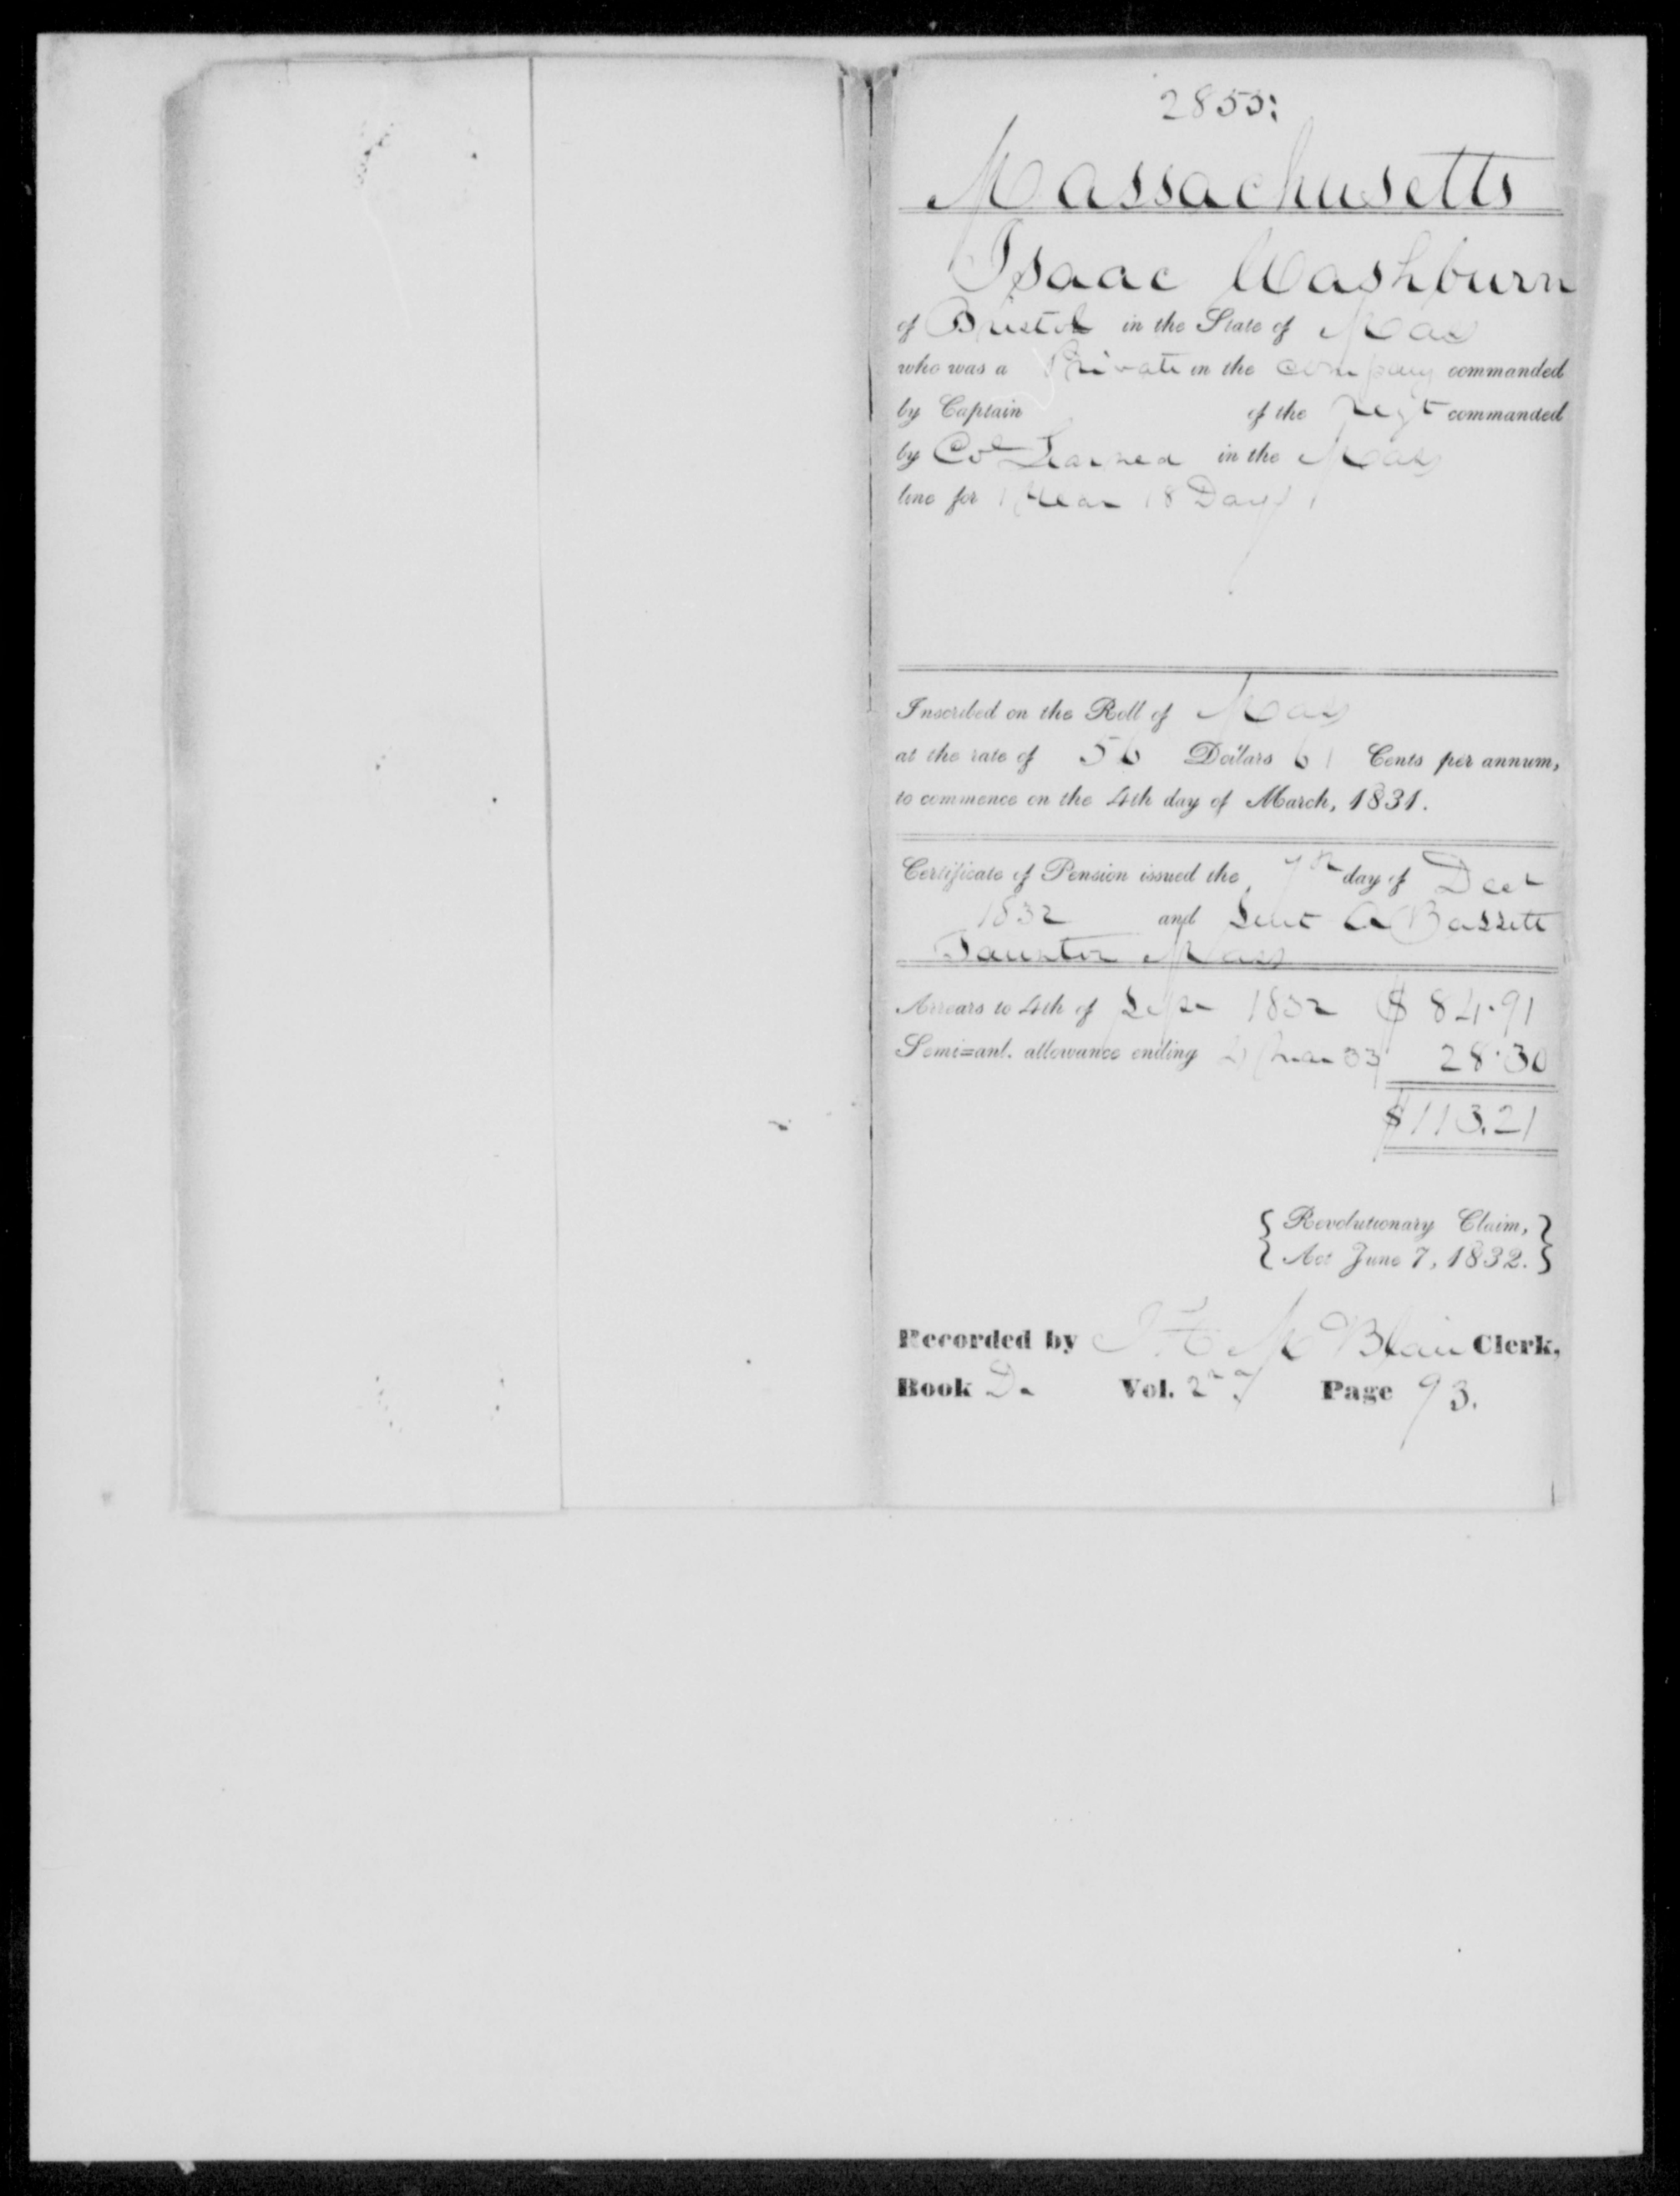2853:

Massachusetts 

Isaac Washburn of Bristol in the State o f Mass who was a Private in the company commanded by Captain……….. of the regt commanded by Col Learned in the Mass line for 1 year 18 Days            

Inscribed on the Roll of Mass at the rate of 56 Dollars 61 Cents per annum, t commence on the 4th day of March, 1831.

Certificate of Pension issued the 7th day of Dec 1832 and sent A Bassett 
Taunton Mass

Arrears to 4th of Sep 1832.                      $ 84.91
Semi=anl. allowance ending 4 Mar 33’.      28.30
                                                                 —————
                                                                    $113.21

{Revolutionary Claim,}
{ Act June 7 1832.}

Recorded by T H McBlair Clerk
Book D.     Vol. 2.          Page 93.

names: Isaac Washburn, A Bassett, Learned, T H Mc Blair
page: 3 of 34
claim: widow's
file: W. 1677, Isaac Washburn, Mass.